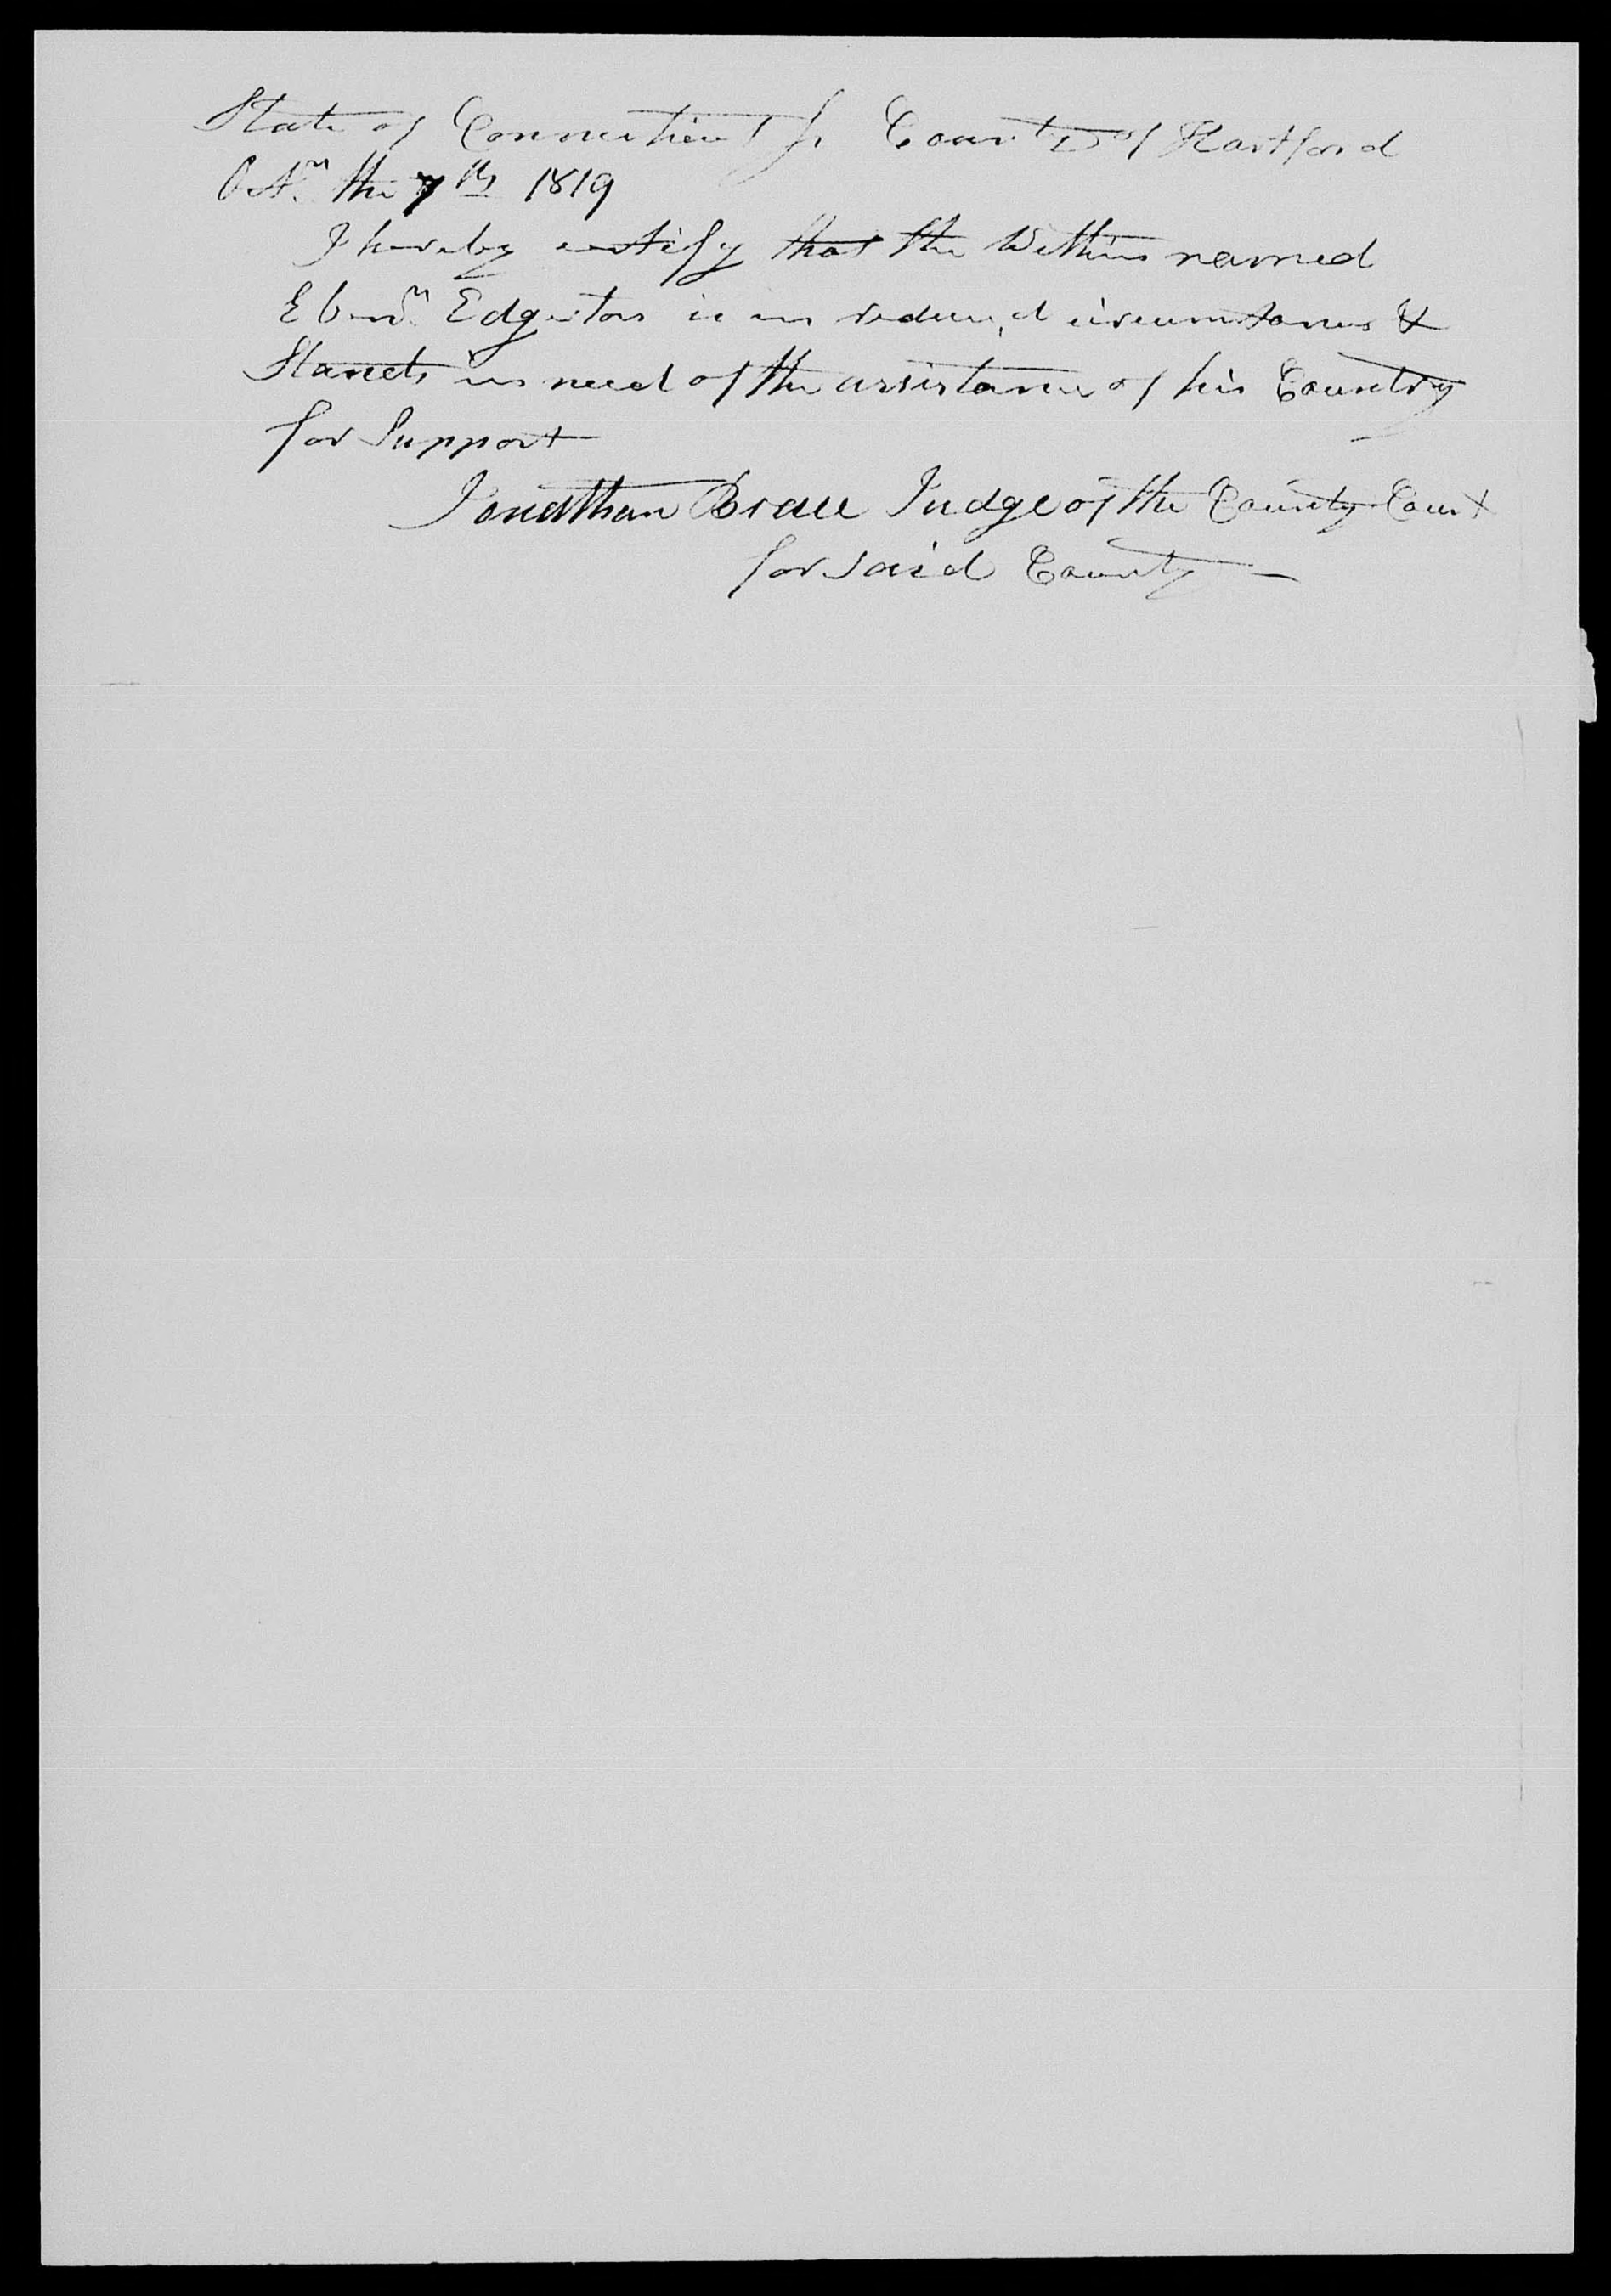State of Connecticut County of Hartford
Octr the 7th 1819

I hereby certify that the within named Ebenr Edgerton is in reduced circumstances & Stands in need of the assistance of his Country for Support

Jonathan Brace  Judge of the County Court
for said County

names: Ebenr Edgerton, Jonathan Brace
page: 5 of 18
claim: survivor's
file: S. 37,904, Ebenezer Edgerton, [BLANK]